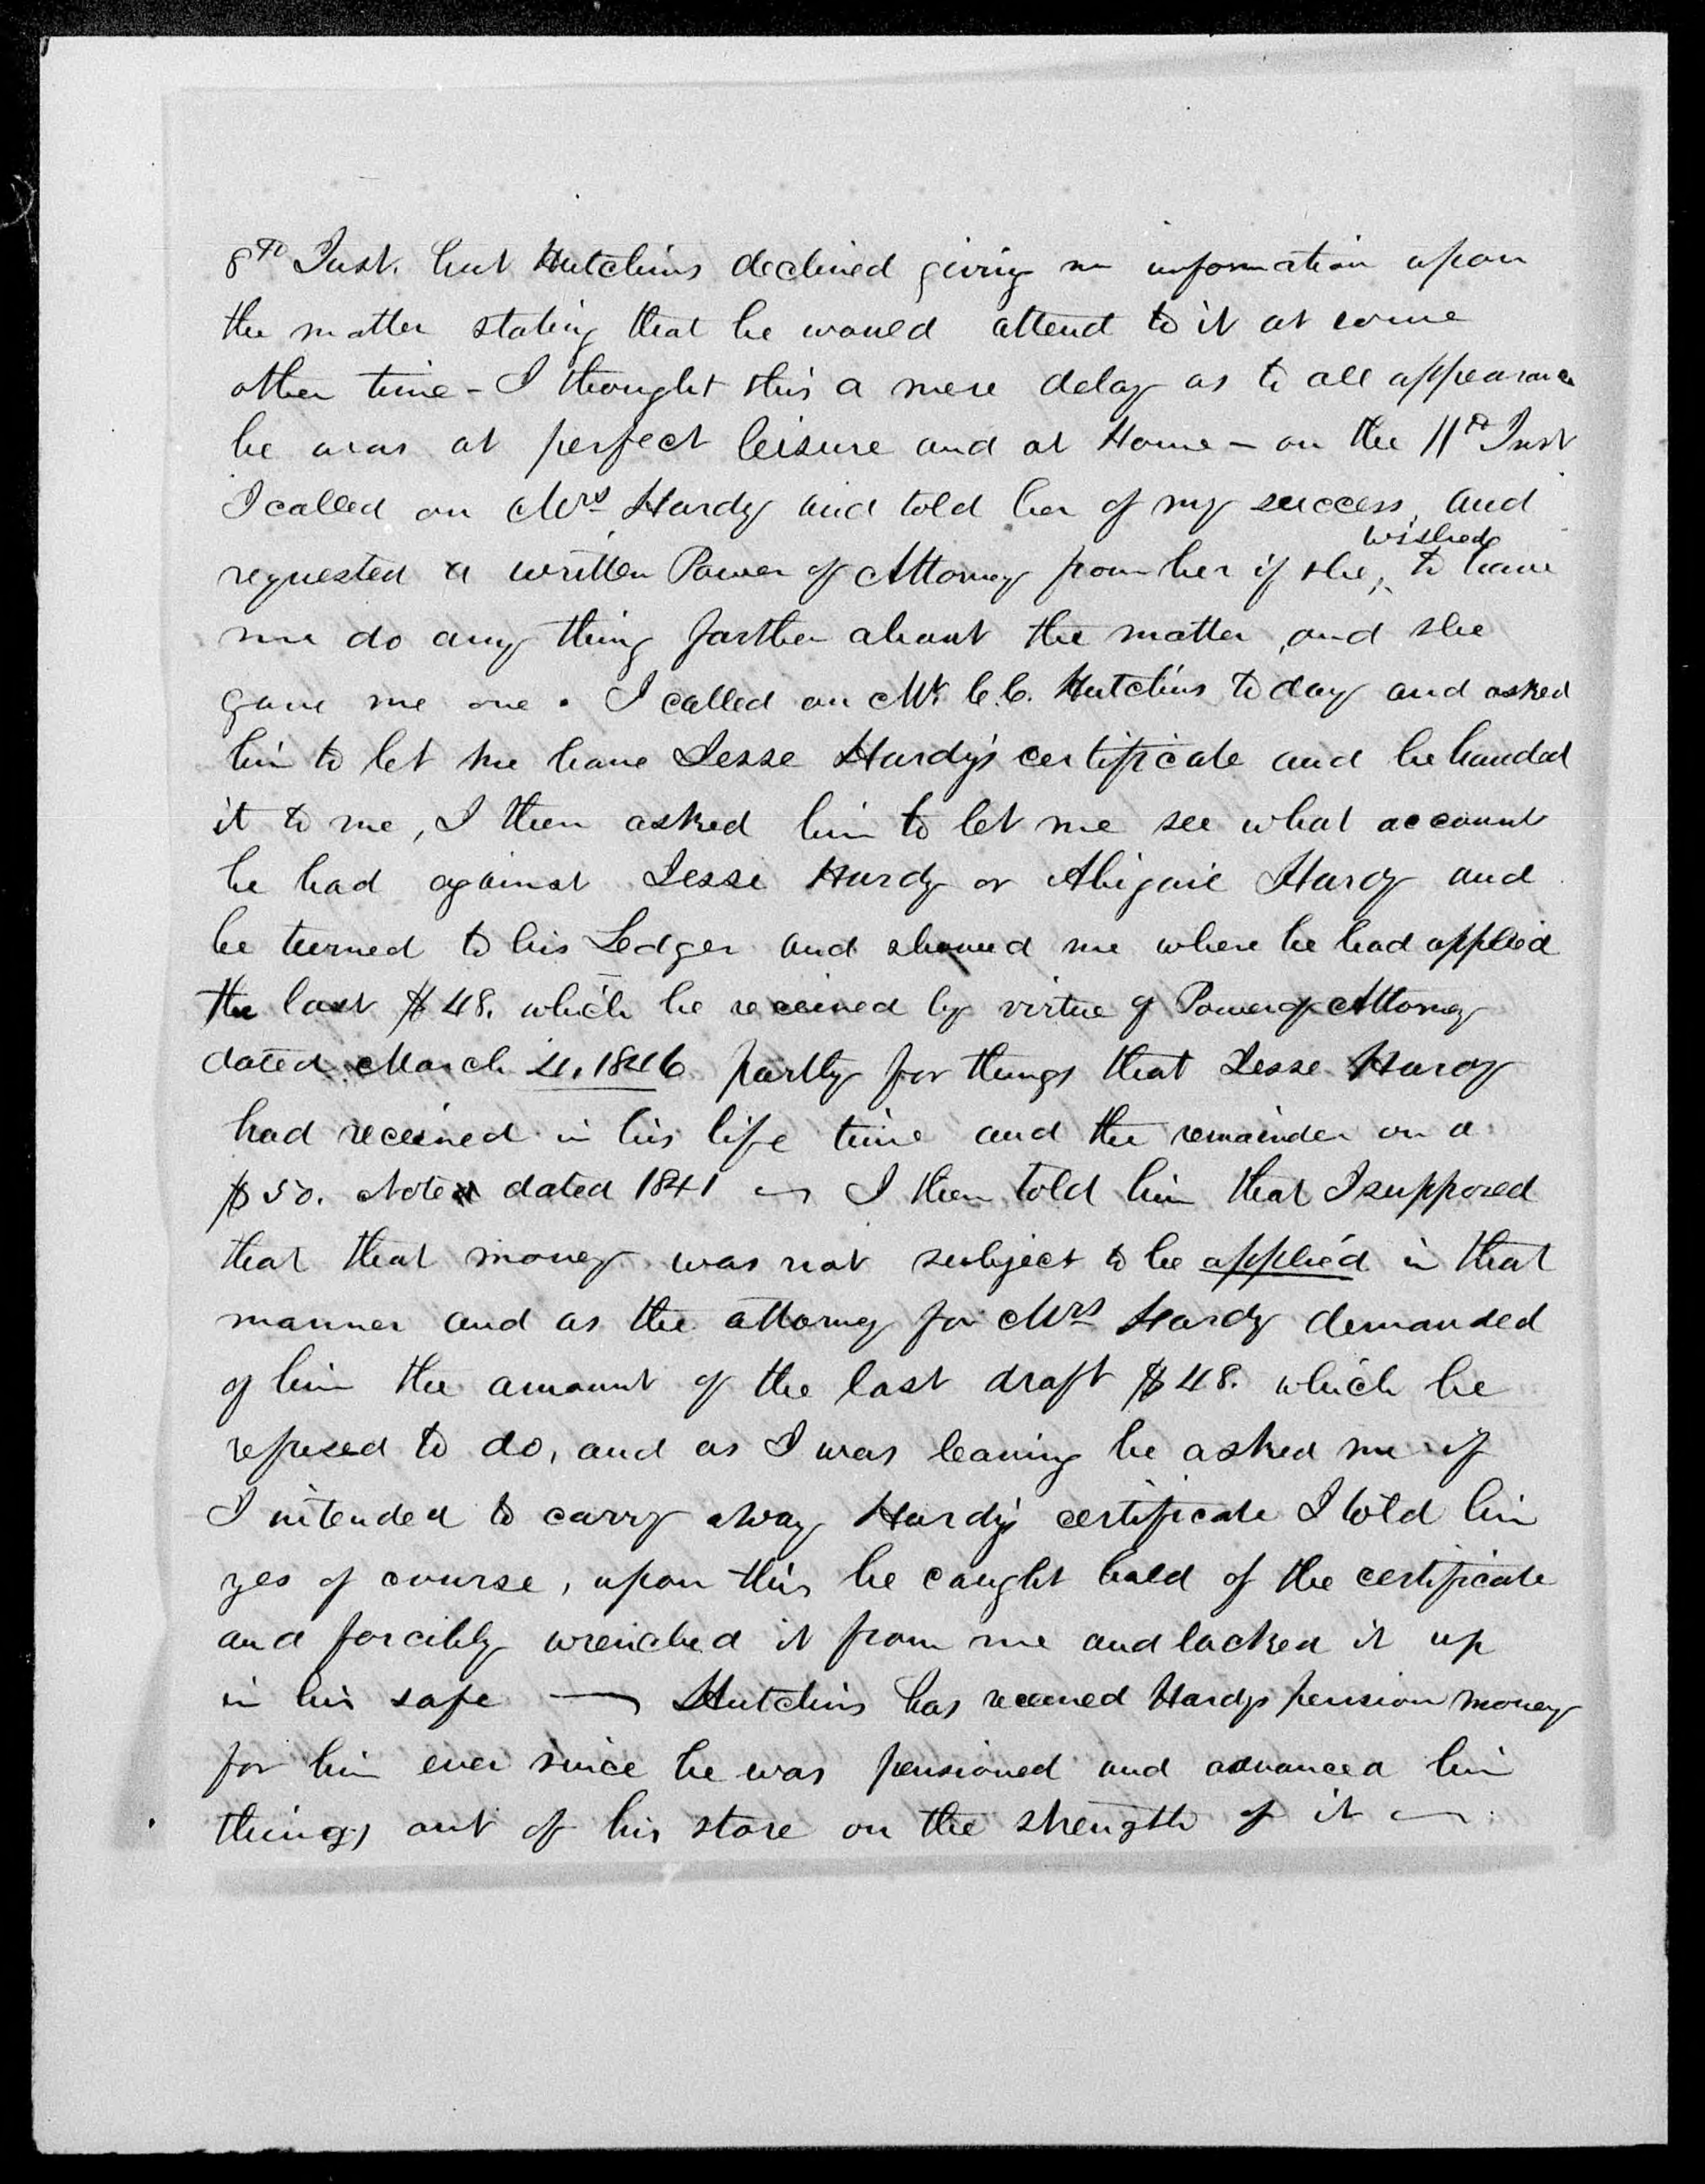just. but Hutchins declined giving no information upon the matter stating that he would attend to it at some other time - I thought this a mere delay as to all appearance he was at perfect leisure and at home - on the 11th Jan I called on Mrs Hardy and told her of my success and requested a written Power of Attorney from her if she wishes to have me do any thing farther about the matter and she gave me one. I called on Mr C.C Hutchins today and asked him to let me leave Jesse Hardy's certificate and he handed it to me, I than asked him to let me see what account he had against Jesse Hardy or Abigail Hardy and he turned to his ledger and showed me where he had applied  the last $48 which he received by virtue of Power of Attorney dated Mar 4, 1846  Harty for things that Jesse Harty had received for his life time and the remainder on a $50 note dated 1841 - I then told him that I supported that that money was not subject to the applied in that manner and as the attorney for Mrs Hardy demanded of him the amount of the last draft $48 which he refused to do, and as I was leaving he asked me if I intended to carry away Hardy's certificate I told him yes of course, upon this he caught hold of the certificate and forcibly wrenched it from me and locked it up in his safe - Hutchins has received Hardy's pension money for him ever since he was  previsioned and advanced him things out of his store on the strength of it -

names: Hardy, Jesse Hardy, C C Hutchins, Hutchins, Hardy, Hardy, Jesse Hardy, Abigail Hardy, Hardy, Hutchins, Jesse Hardy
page: 51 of 67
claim: widow's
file: W. 23183, Jesse Hardy, Mass.